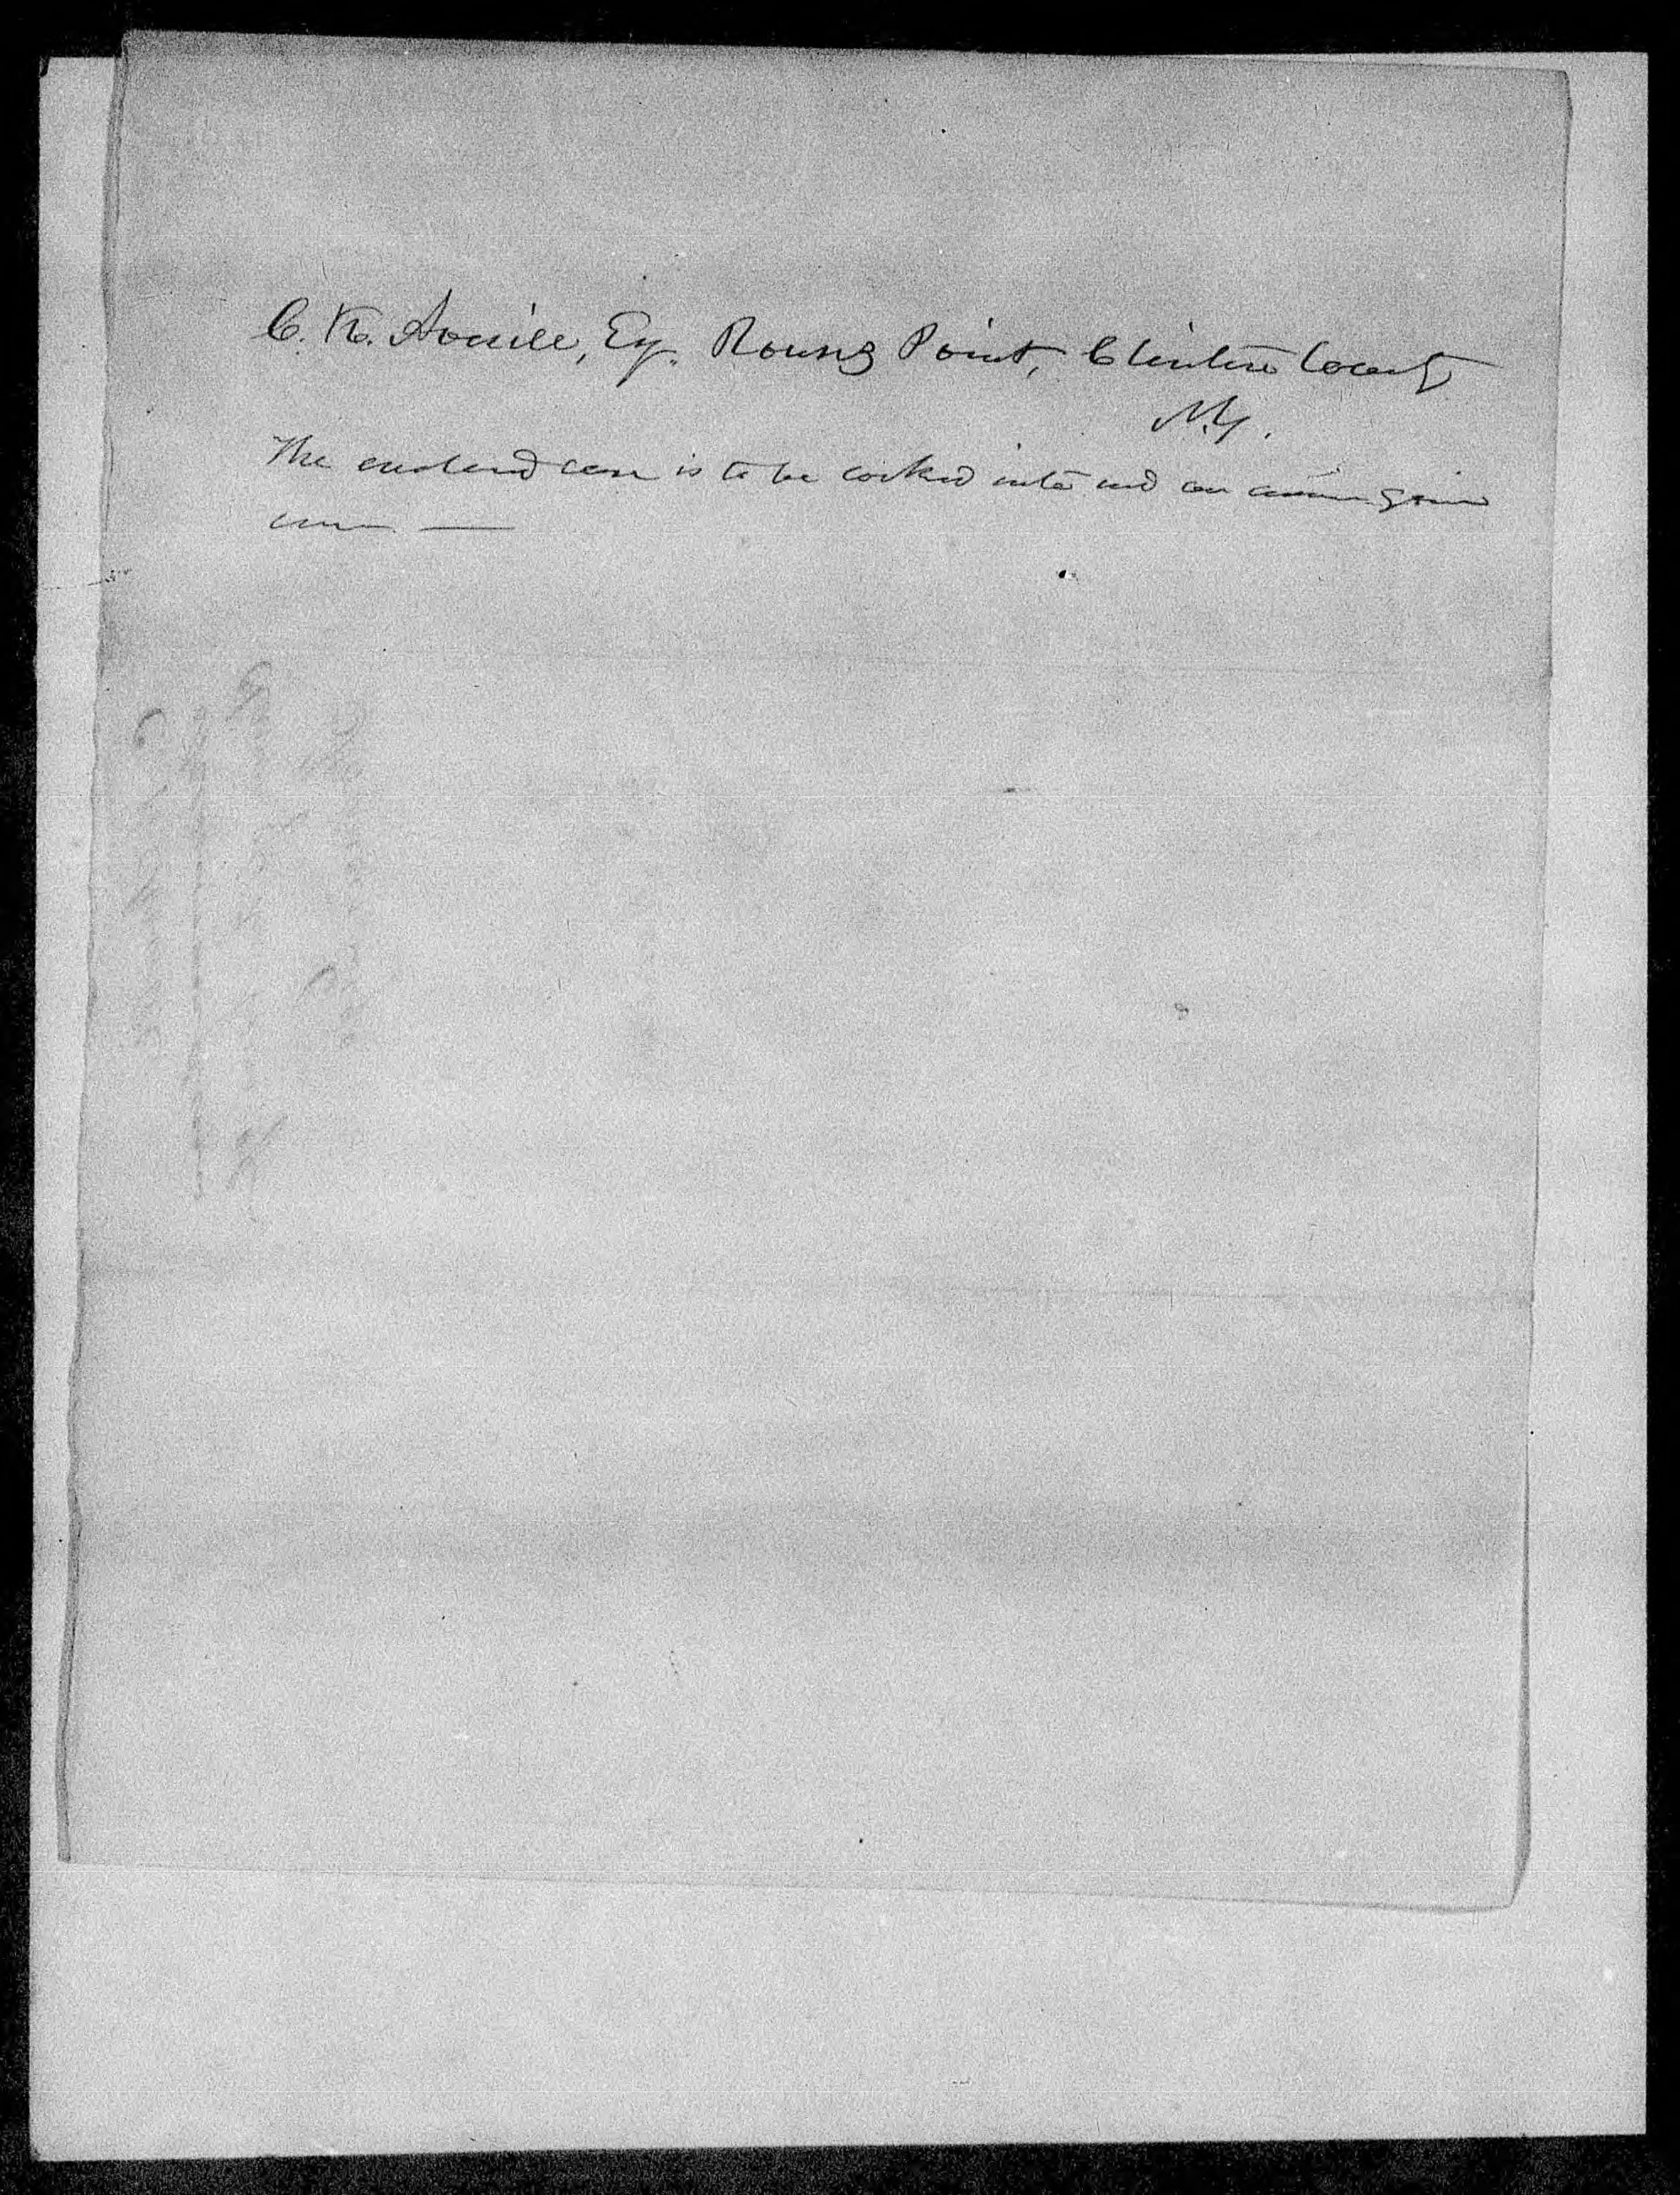C. K. Averill, Esq.  Rouns Point, Clinton County N.Y.
The entered clm is to be looked into and an [illegible] given  -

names: C K Averill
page: 76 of 98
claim: widow's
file: W. 21182, Francis Gigo, Continental (Canadian)